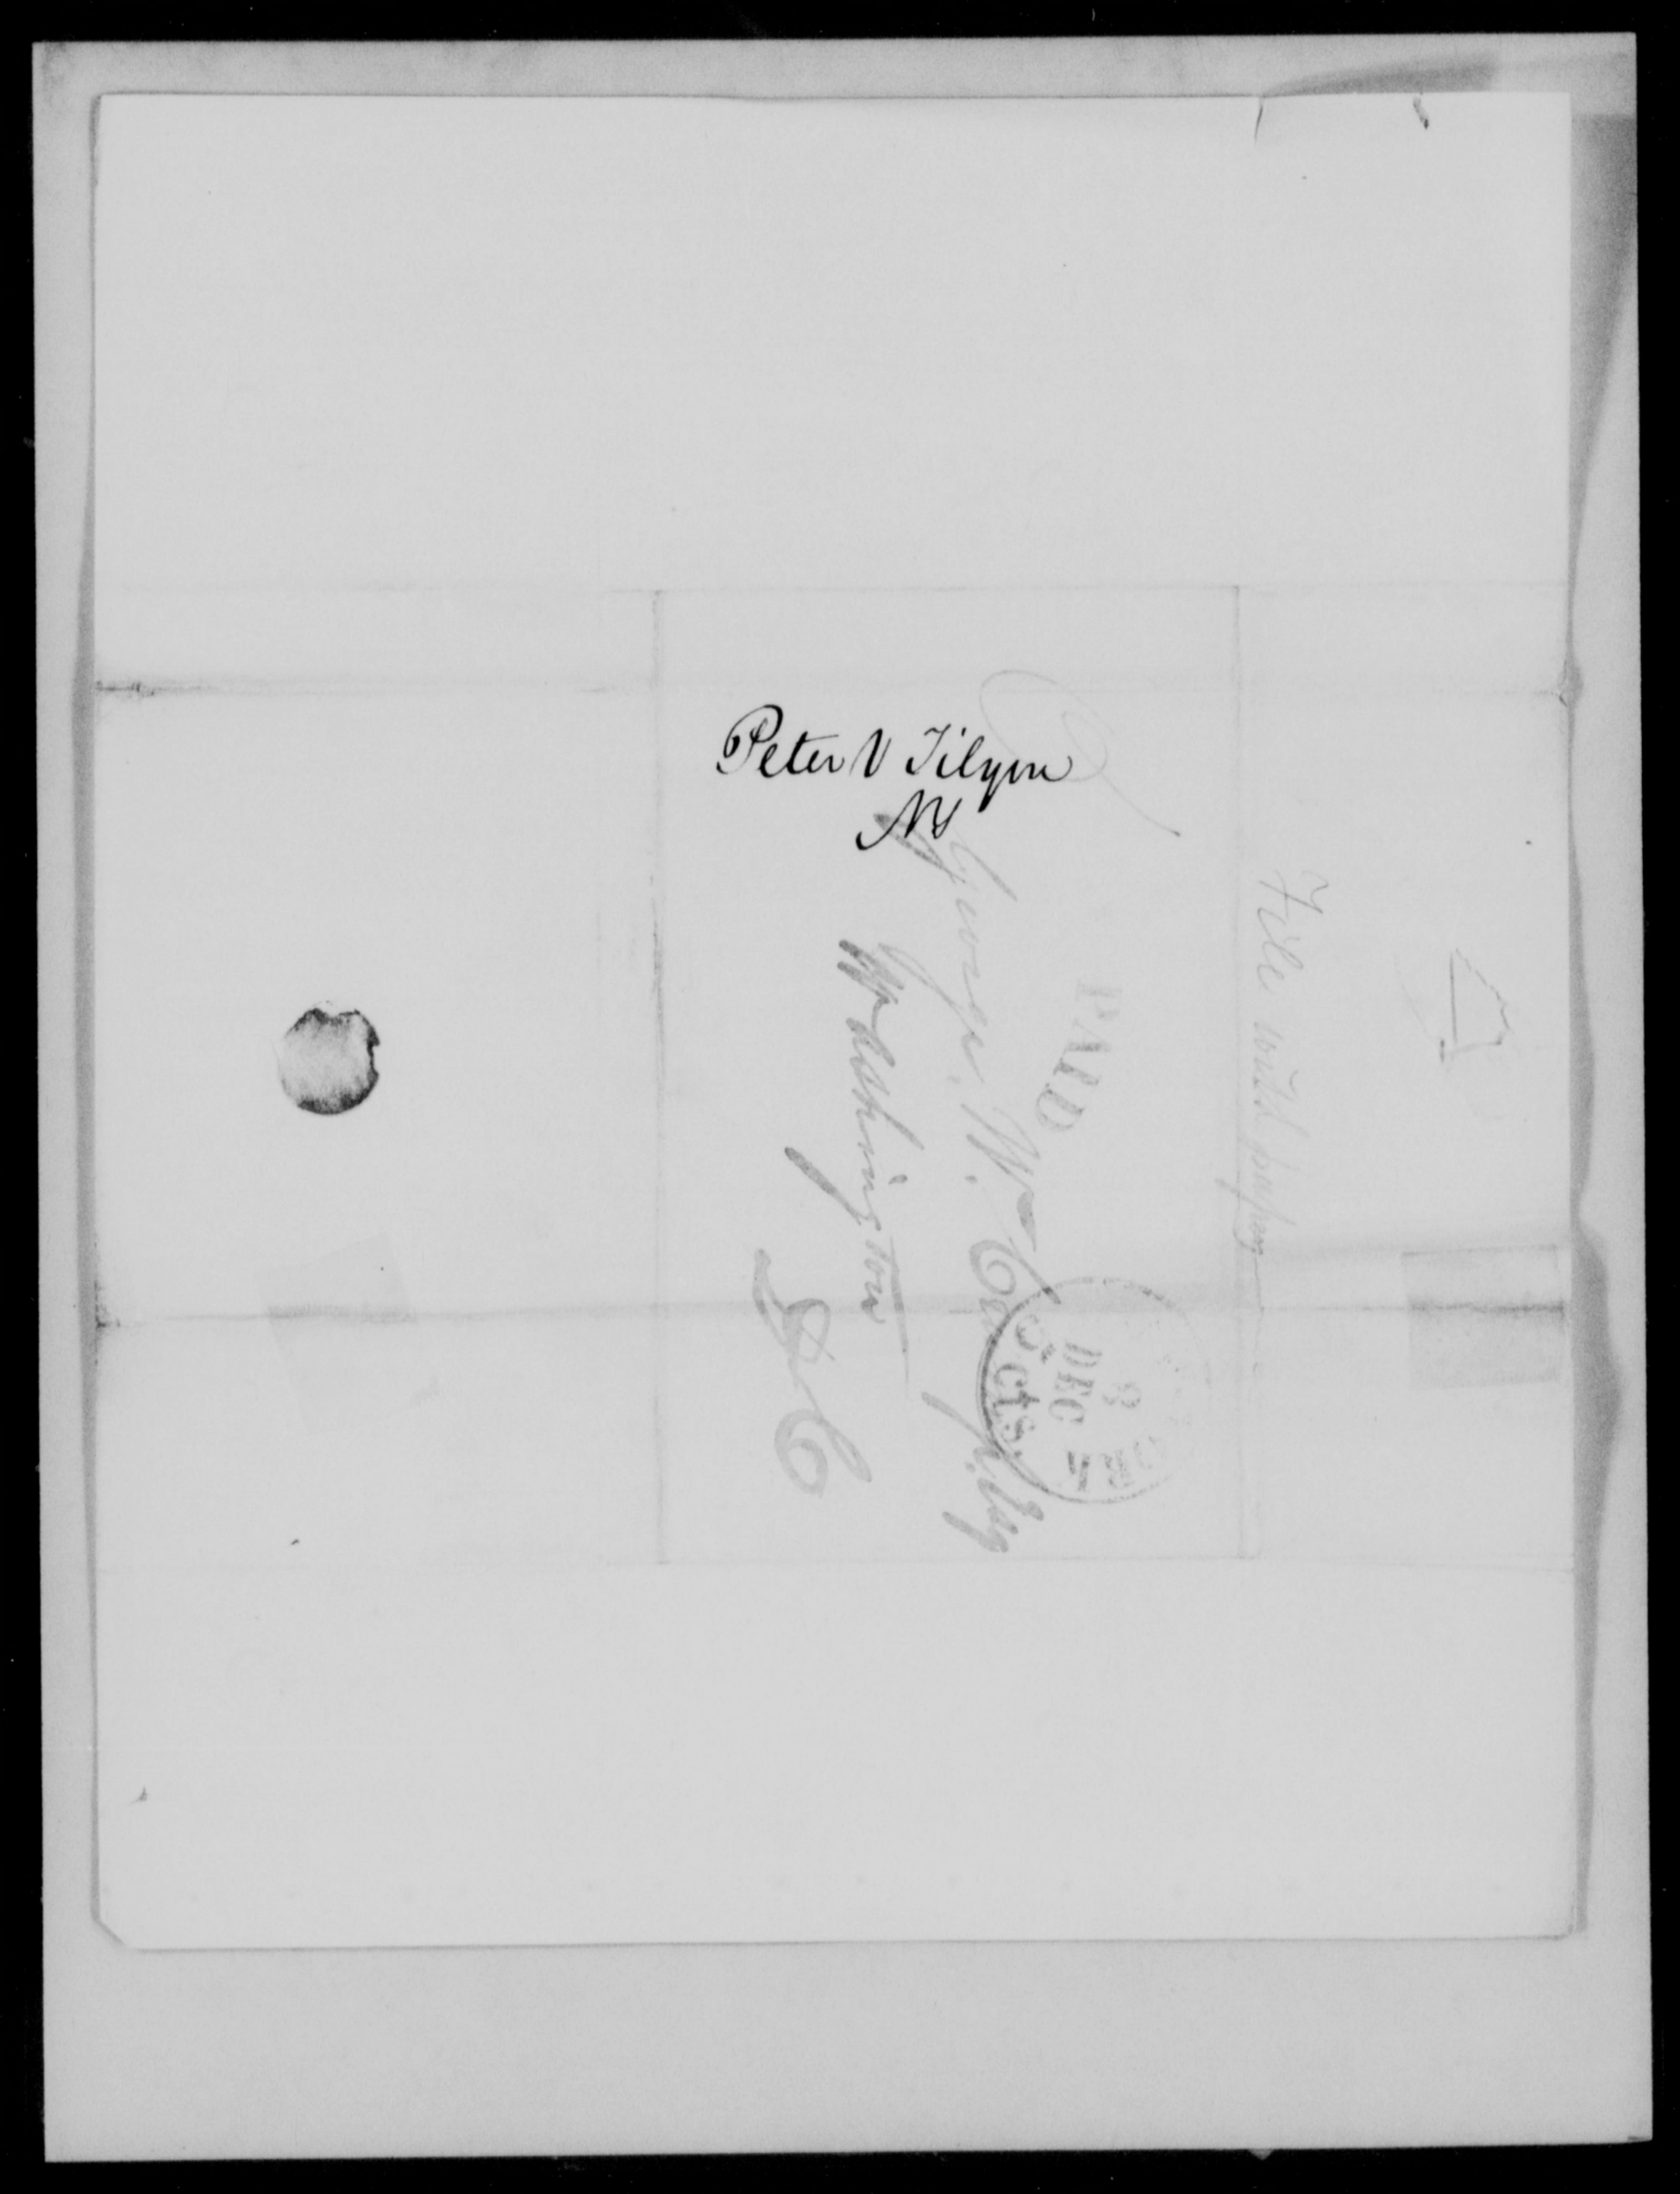Peter V Tilyou
 N

[on side]
File with papers

George W C...
Washington DC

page: 91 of 101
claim: widow's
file: W. 25481, for Peter V Tilyou, New Jersey